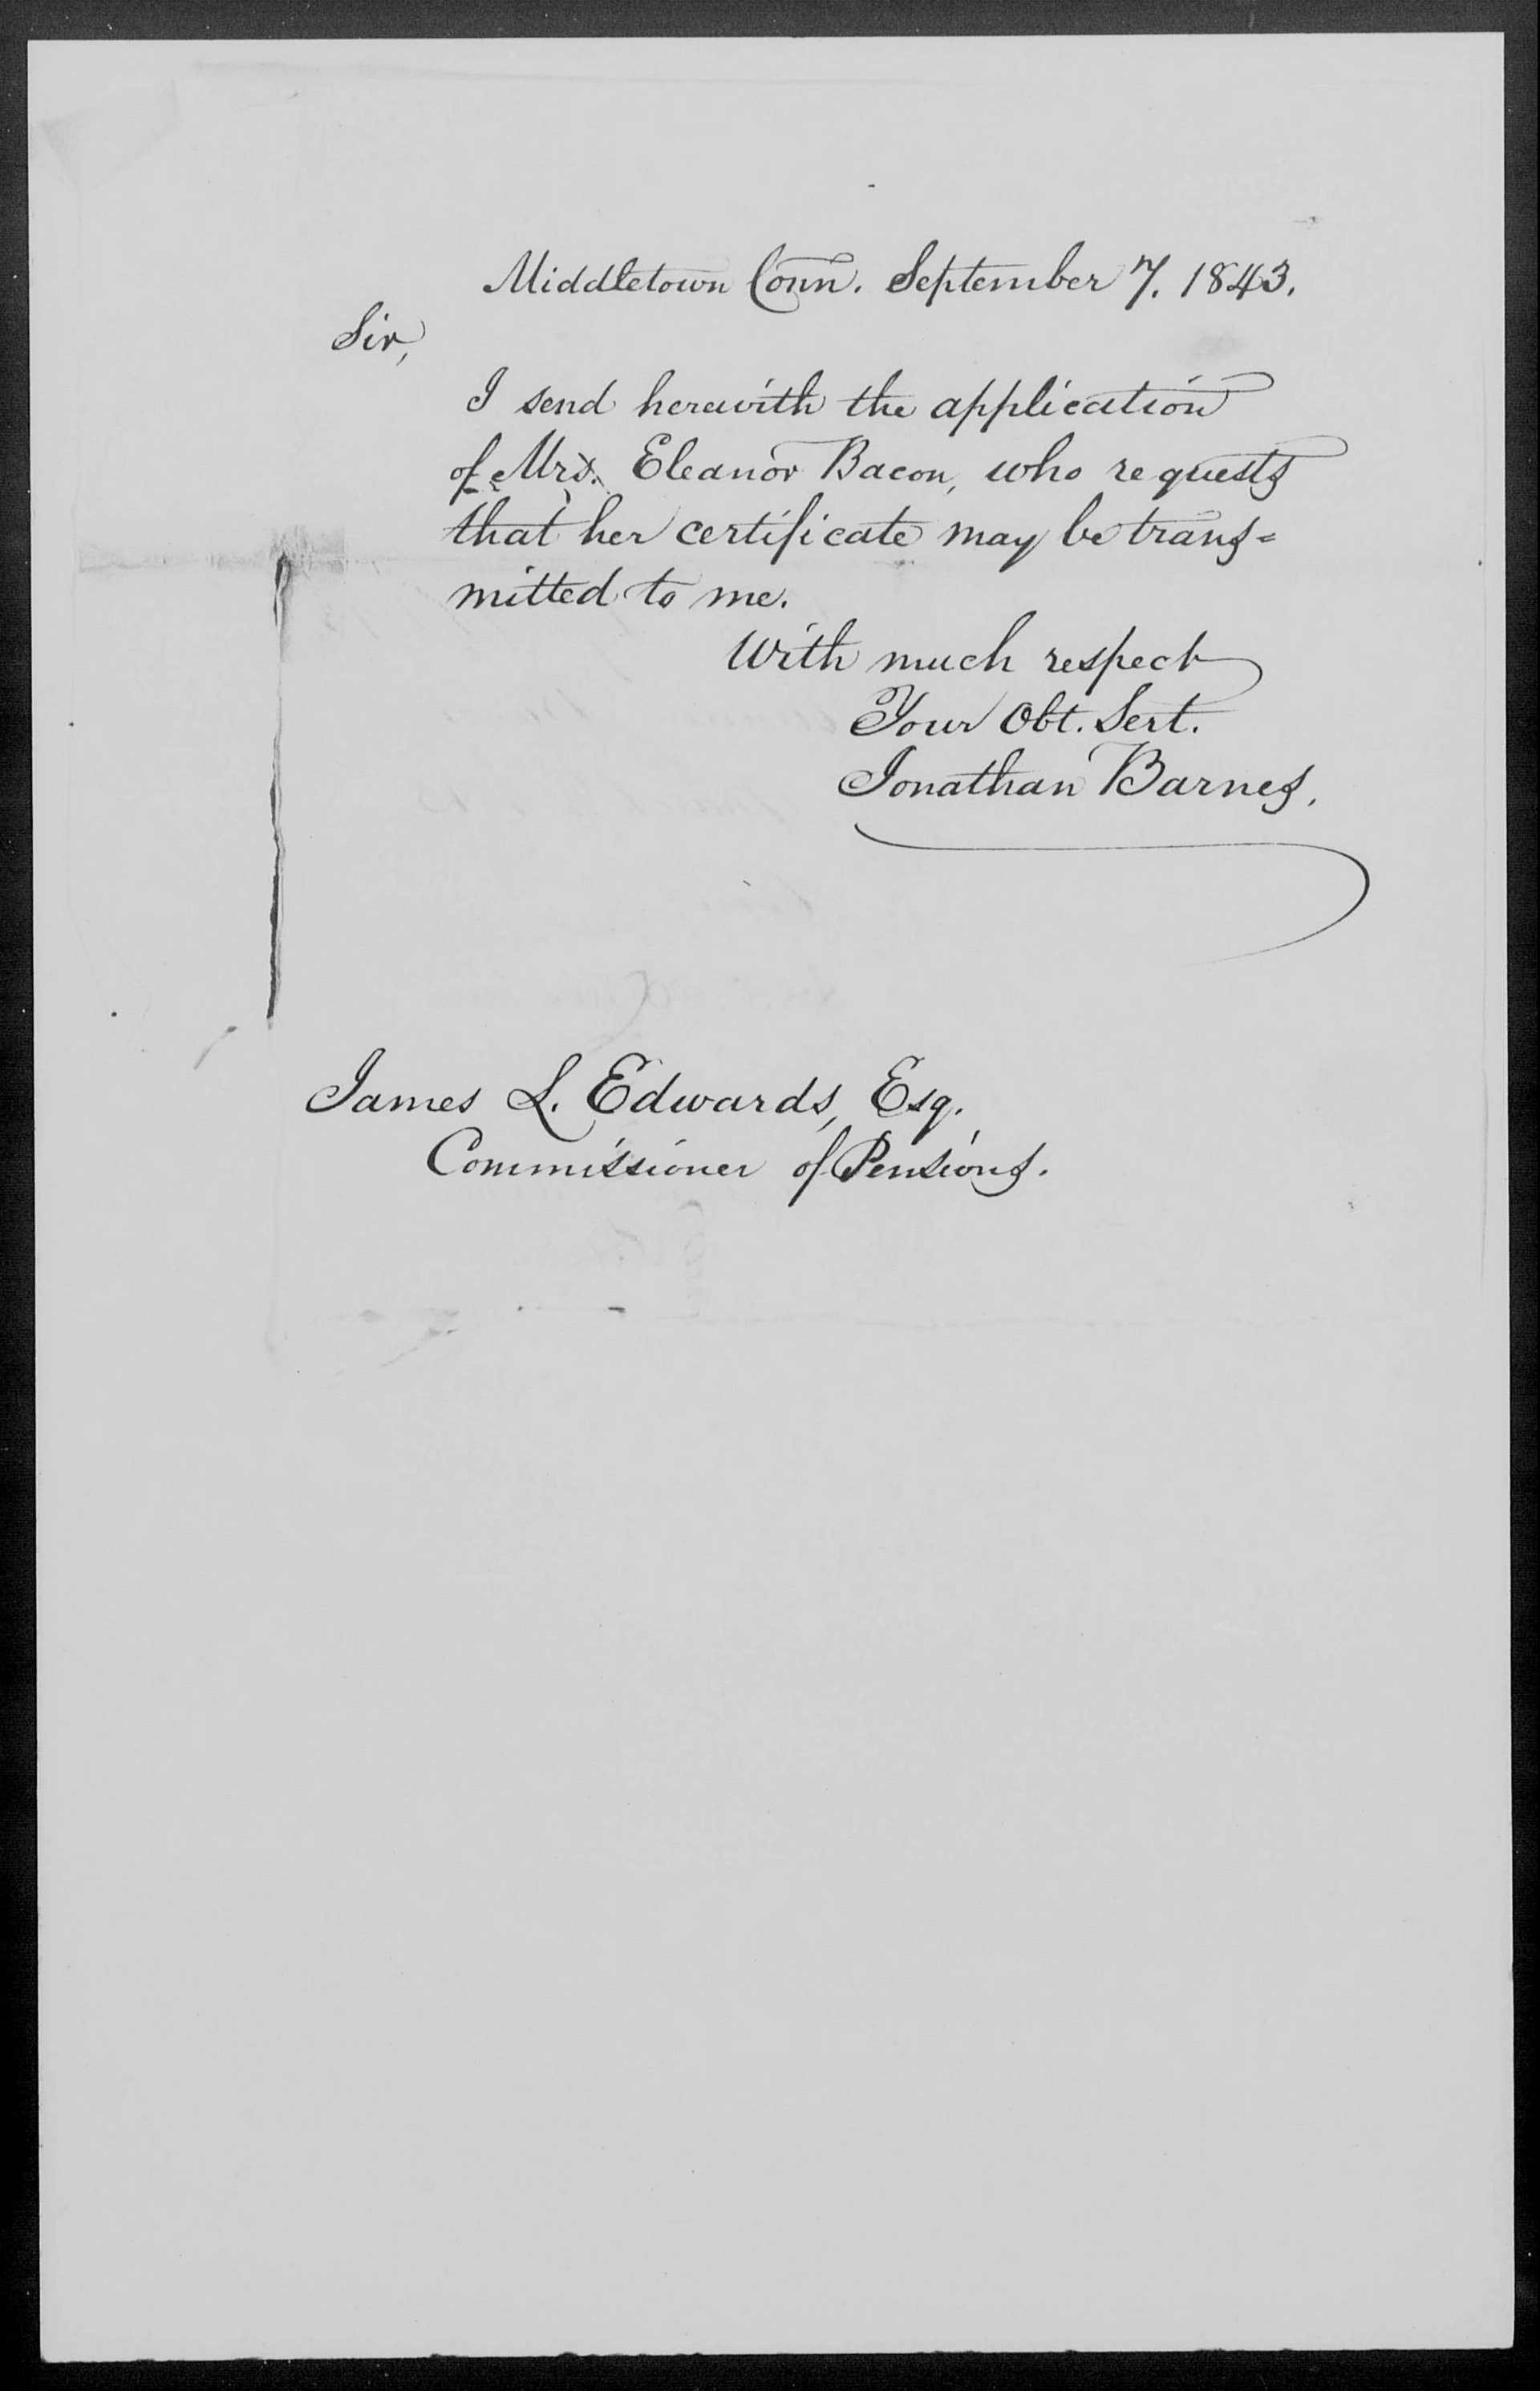Middletown Conn. September 7, 1843

Sir, 
I send herewith the application of Mrs. Eleanor Bacon, who requests that her certificate may be transmitted to me. 

With much respect, 
Your Obedient Servant
Jonathan Barnes


James L. Edward, Esq. 
Commissioner of Pension.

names: Jonathan Barnes, James L Edwards, Eleanor Bacon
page: 16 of 24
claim: widow's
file: W. 25190, Joseph Bacon, Continental (Conn)